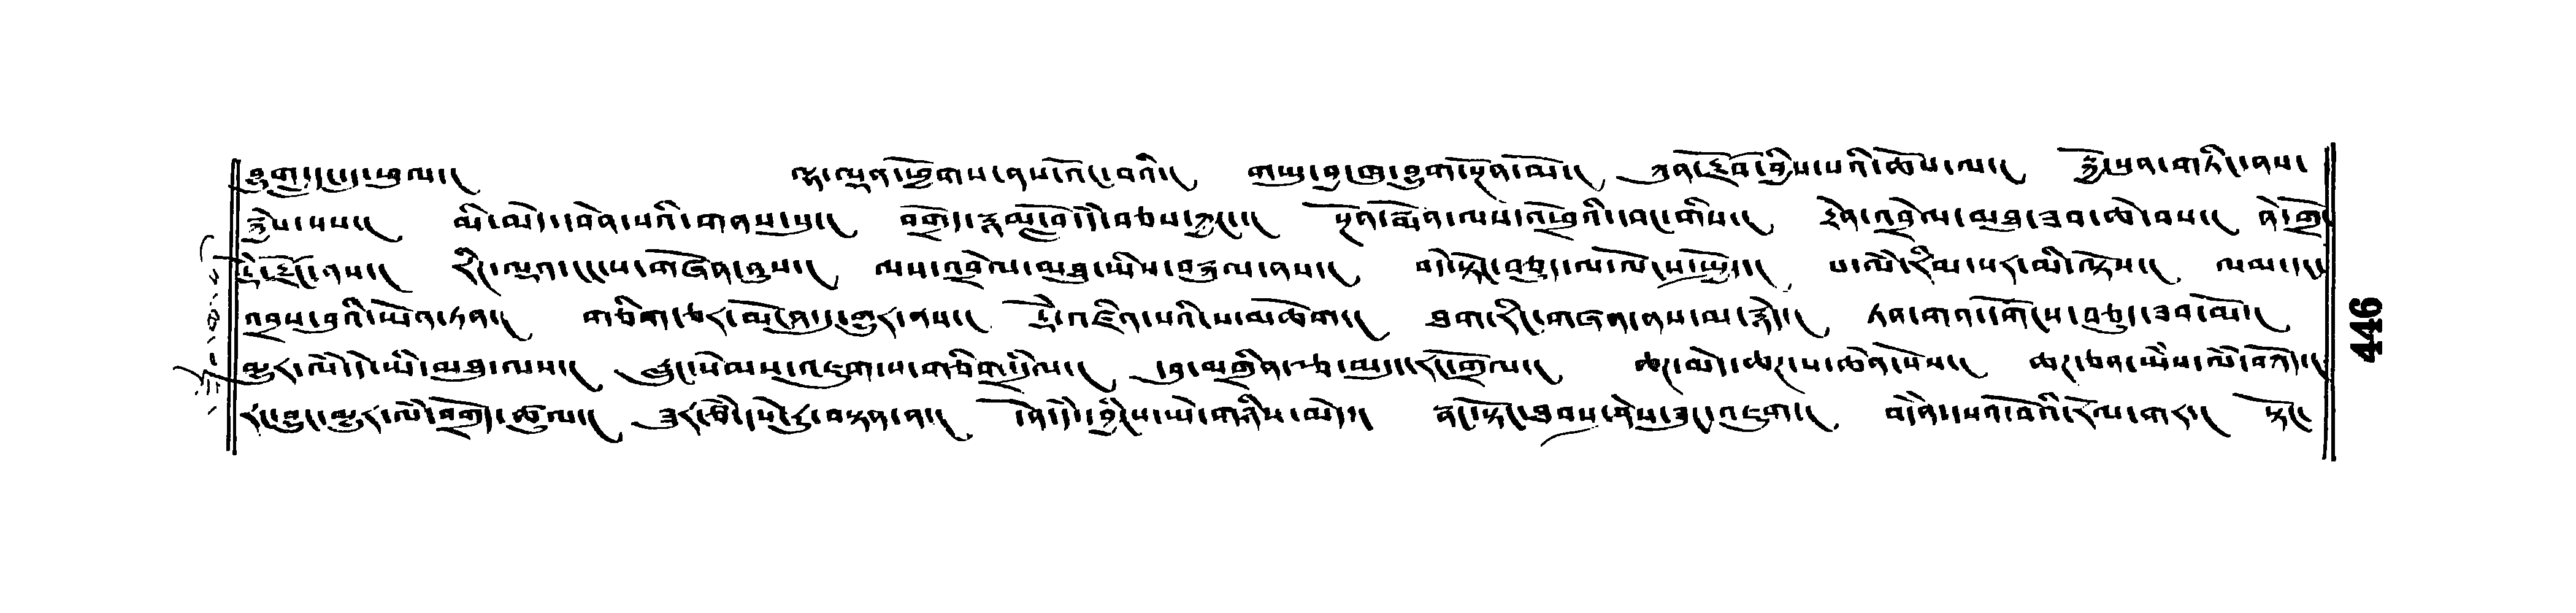བྱུག་དྲུང་དུ་ཕུལ།། ༈ ལྷ་ལྡན་ཕྱོགས་ནས་འོངས་བའི། །གཡུ་བྱ་ཁུ་བྱུག་སྔོན་མོ། །ཀུན་རྫོབ་བྱིས་པའི་ཆོས་ལ། །སྐྱོ་སུན་གཏིང་ནས་
སྐྱེས་པས། །མི་མེད་དབེན་པའི་གནས་སུ། །བགྲོད་སྙམ་བློ་དམ་བཅས་ཀྱང་། །སྔོན་སྨོན་ལས་འཕྲོའི་དབང་གིས། །རྟེན་འབྲེལ་མཐུ་ཟབ་ཆེ་བས། །ནེ་གྲོ་
རྡོ་རྗེ་རྫོང་ནས། །རིགས་ལྡན་ངང་པ་གཞོན་ནུས། །ལས་འབྲེལ་མཐུ་ཡིས་བསྐུལ་ནས། །བདེ་སྟོང་བཅུད་ལ་ལོངས་སྤྱོད། །ས་ལམ་རིམ་པར་མི་ལྟོས། །ལམ་དང་
འབྲས་བུའི་ཡོན་ཏན། །གཅིག་ཅར་མངོན་དུ་གྱུར་ནས། །རྡོ་རྗེ་འཛིན་པའི་ས་མཆོག།ཐག་རིང་གཞན་ནས་མ་རྙེད། །ཏན་གན་དགོངས་བཅུད་ཟབ་མོ། 
།མྱུར་ལམ་དེ་ཡི་མཐུ་ལས། །རླུང་སེམས་འཇུག་པ་གཅིག་དྲིལ། །དབུ་མགྲིན་རྩ་མདུད་རང་གྲོལ། །ཆགས་མེད་ཆགས་པ་ཆེན་པོས། །ཆགས་ཅན་ཡེ་ཤེས་ལམ་བཀོད། །
རང་བྱུང་མྱུར་ལམ་བགྲོད་ཚུལ། །ཟུར་ཙམ་དཔེ་རུ་བསྟན་ན། །དོན་དམ་དབྱིངས་ཡེ་གཉིས་མེད། །སྣང་སྟོང་ཐབས་ཤེས་ཟུང་འཇུག །བདེ་ཆེན་དཔའ་བོའི་རོལ་གར། །སྟོང་